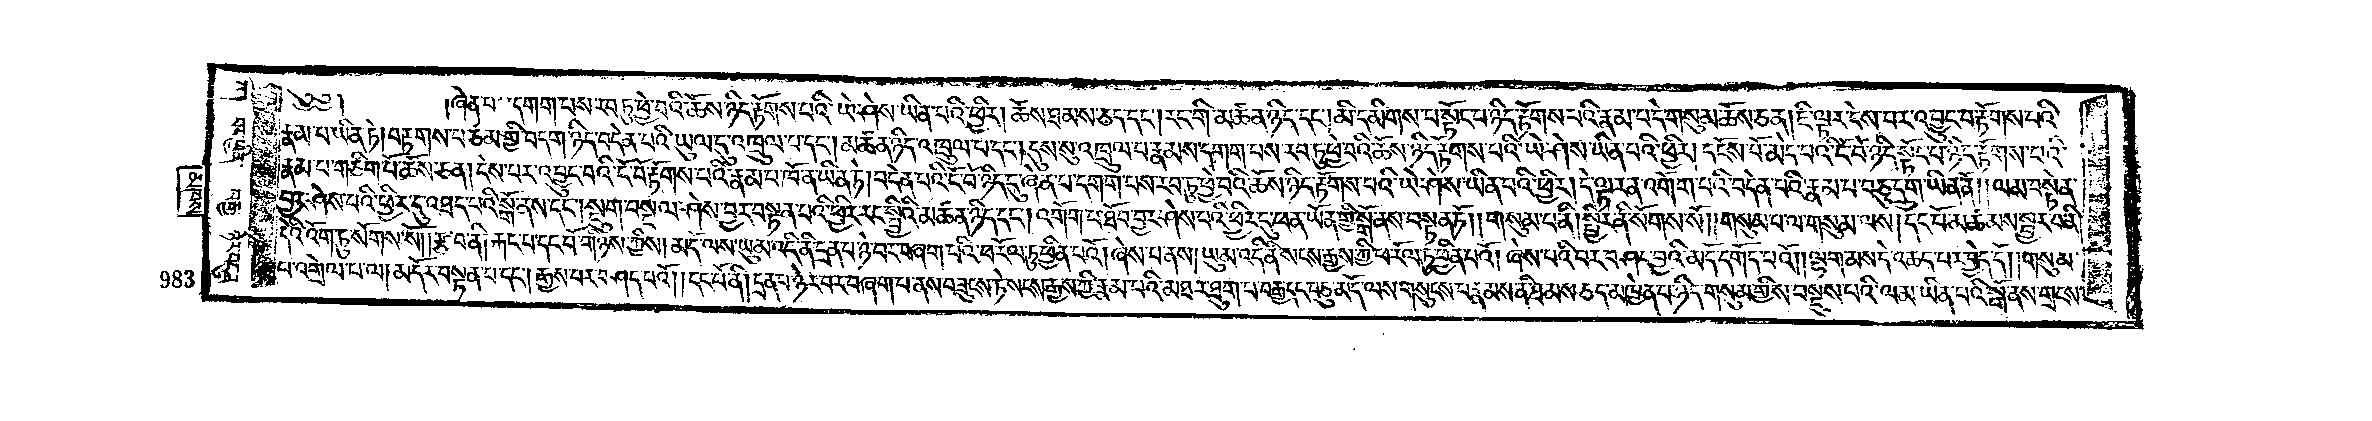༄༅། །ཞེན་པ་དགག་པས་རབ་ཏུ་ཕྱེ་བའི་ཆོས་ཉིད་རྟོགས་པའི་ཡེ་ཤེས་ཡིན་པའི་ཕྱིར། ཆོས་ཐམས་ཅད་དང་། རང་གི་མཚན་ཉིད་དང་། མི་དམིགས་པ་སྟོང་པ་ཉིད་རྟོགས་པའི་རྣམ་པ་དེ་གསུམ་ཆོས་ཅན། ཇི་ལྟར་ངེས་པར་འབྱུང་བ་རྟོགས་པའི་
རྣམ་པ་ཡིན་ཏེ། བརྟགས་པ་ཙམ་གྱི་བདག་ཉིད་བདེན་པའི་ཡུལ་དུ་འཁྲུལ་པ་དང་། མཚན་ཉིད་འཁྲུལ་པ་དང་། དུས་སུ་འཁྲུལ་པ་རྣམས་དགག་པས་རབ་ཏུ་ཕྱེ་བའི་ཆོས་ཉིད་རྟོགས་པའི་ཡེ་ཤེས་ཡིན་པའི་ཕྱིར། དངོས་པོ་མེད་པའི་ངོ་བོ་ཉིད་སྟོང་པ་ཉིད་རྟོགས་པའི་
རྣམ་པ་གཅིག་པོ་ཆོས་ཅན། ངེས་པར་འབྱུང་བའི་ངོ་བོ་རྟོགས་པའི་རྣམ་པ་ཁོ་ན་ཡིན་ཏེ། བདེན་པའི་ངོ་བོ་ཉིད་དུ་ཞེན་པ་དགག་པས་རབ་ཏུ་ཕྱེ་བའི་ཆོས་ཉིད་རྟོགས་པའི་ཡེ་ཤེས་ཡིན་པའི་ཕྱིར། དེ་ལྟར་ན་འགོག་པའི་བདེན་པའི་རྣམ་པ་བཅུ་དྲུག་ཡིན་ནོ། །ལམ་བསྟེན་
བྱར་ཤེས་པའི་ཕྱིར་དུ་འཐད་པའི་སྒོ་ནས་དང་། སྡུག་བསྔལ་ཤེས་བྱར་བསྟན་པའི་ཕྱིར་རང་སྤྱིའི་མཚན་ཉིད་དང་། འགོག་པ་ཐོབ་བྱར་ཤེས་པའི་ཕྱིར་དུ་ཕན་ཡོན་གྱི་སྒོ་ནས་བསྟན་ཏོ། །གསུམ་པ་ནི། ཕྱིར་ནི་སོགས་སོ། །གསུམ་པ་ལ་གསུམ་ལས། དང་པོ་མཚམས་སྦྱར་བ་ནི་
དེའི་འོག་ཏུ་སོགས་སོ། །རྩ་བ་ནི། རྐང་པ་དང་པོ་གཉིས་ཀྱིས། མདོ་ལས་ཡུམ་འདི་ནི་དྲན་པ་ཉེ་བར་བཞག་པའི་ཕ་རོལ་ཏུ་ཕྱིན་པའོ། ཞེས་པ་ནས། ཡུམ་འདི་ནི་སངས་རྒྱས་ཀྱི་ཕ་རོལ་ཏུ་ཕྱིན་པའོ། ཞེས་པའི་བར་བཤད་བྱའི་མདོ་དགོད་པའོ། །ལྷག་མས་དེ་འཆད་པར་བྱེད་དོ། །གསུམ་
པ་འགྲེལ་པ་ལ། མདོར་བསྟན་པ་དང་། རྒྱས་པར་བཤད་པའོ། །དང་པོ་ནི། དྲན་པ་ཉེར་བར་བཞག་པ་ནས་བཟུངས་ཏེ་སངས་རྒྱས་ཀྱི་རྣམ་པའི་མཚར་ཐུག་པ་བརྒྱ་དང་བཅུ་མདོ་ལས་གསུངས་པ་རྣམས་ནི་ཐམས་ཅད་མཁྱེན་པ་ཉིད་གསུམ་གྱིས་བསྡུས་པའི་ལམ་ཡིན་པའི་སྒོ་ནས་གྲངས་